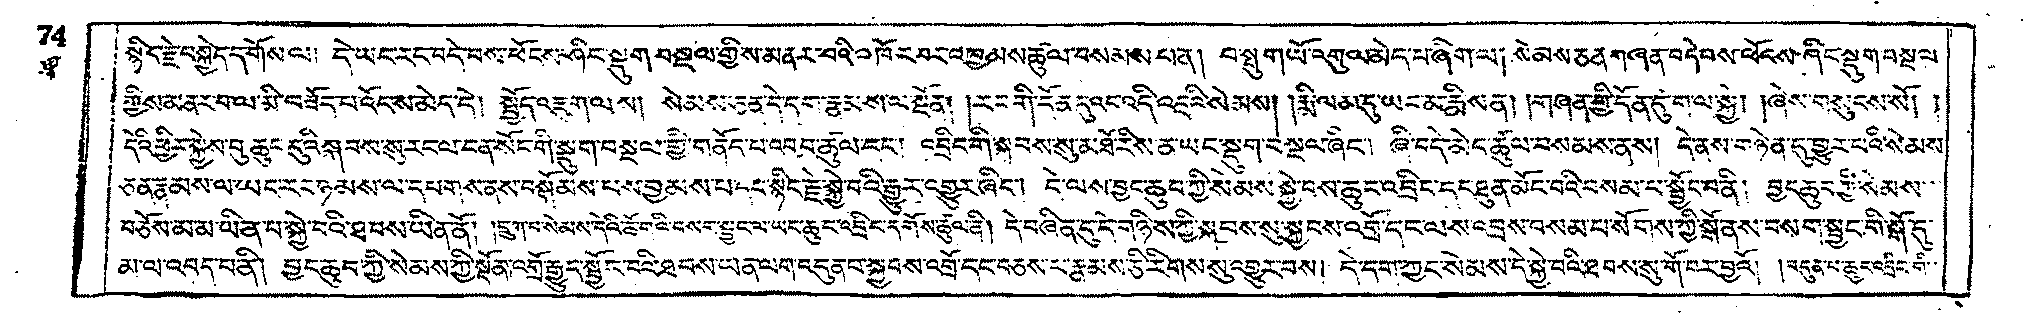སྙིང་རྗེ་བསྐྱེད་དགོས་ལ། དེ་ཡང་རང་བདེ་བས་ཕོངས་ཤིང་སྡུག་བསྔལ་གྱིས་མནར་བའི་འཁོར་བར་འཁྱམས་ཚུལ་བསམས་པ་ན། བ་སྤུ་གཡོ་འགུལ་མེད་པ་ཞིག་ལ། སེམས་ཅན་གཞན་བདེབས་ཕོངས་ཤིང་སྡུག་བསྔལ་
གྱིས་མནར་བ་ལ་མི་བཟོད་པ་འོངས་མེད་དེ། སྤྱོད་འཇུག་ལས། སེམས་ཅན་དེ་དག་རྣམས་ལ་སྔོན། །རང་གི་དོན་དུ་འདི་འདྲིའི་སེམས། །རྨི་ལམ་དུ་ཡང་མ་རྨིས་ན། །གཞན་གྱི་དོན་དུ་ག་ལ་སྐྱེ། །ཞེས་གསུངས་སོ། །
དེའི་ཕྱིར་སྐྱེས་བུ་ཆུང་ངུའི་སྐབས་སུ་རང་ལ་ངན་སོང་གི་སྡུག་བསྔལ་གྱི་གནོད་པ་འབབ་ཚུལ་དང་། འབྲིང་གི་སྐབས་སུ་མཐོ་རིས་ན་ཡང་སྡུག་བསྔལ་ཞིང་། ཞི་བདེ་མེད་ཚུལ་བསམས་ནས། དེ་ནས་གཉེན་དུ་གྱུར་པའི་སེམས་
ཅན་རྣམས་ལ་ཡང་རང་ཉམས་ལ་དཔགས་ནས་བསྒོམས་པས་བྱམས་པ་དང་སྙིང་རྗེ་སྐྱེ་བའི་རྒྱུར་འགྱུར་ཞིང་། དེ་ལས་བྱང་ཆུབ་ཀྱི་སེམས་སྐྱེ་བས་ཆུང་འབྲིང་དང་ཐུན་མོང་བའི་བསམ་པ་སྦྱོང་བ་ནི། བྱང་ཆུབ་ཀྱི་སེམས་
བཅོས་མ་མ་ཡིན་པ་སྐྱེ་བའི་ཐབས་ཡིན་ནོ། །དྲུག་པ་སེམས་དེའི་ཆོ་གའི་བསག་སྤྱང་ལ་ཡང་ཆུང་འབྲིང་དགོས་ཚུལ་ནི།  དེ་བཞིན་དུ་དེ་གཉིས་ཀྱི་སྐབས་སུ་སྐྱབས་འགྲོ་དང་ལས་འབྲས་བསམ་པ་སོགས་ཀྱི་སྒོ་ནས་བསག་སྤྱང་གི་སྒོ་དུ་
མ་ལ་འབད་པ་ནི། བྱང་ཆུབ་ཀྱི་སེམས་ཀྱི་སྔོན་འགྲོ་རྒྱུད་སྤྱོང་བའི་ཐབས་ཡན་ལག་བདུན་པ་སྐྱབས་འགྲོ་དང་བཅས་པ་རྣམས་ཅི་རིགས་སུ་འགྱུར་བས། དེ་དག་ཀྱང་སེམས་དེ་སྐྱེ་བའི་ཐབས་སུ་གོ་བར་བྱའོ། །བདུན་པ་ཆུང་འབྲིང་གི་